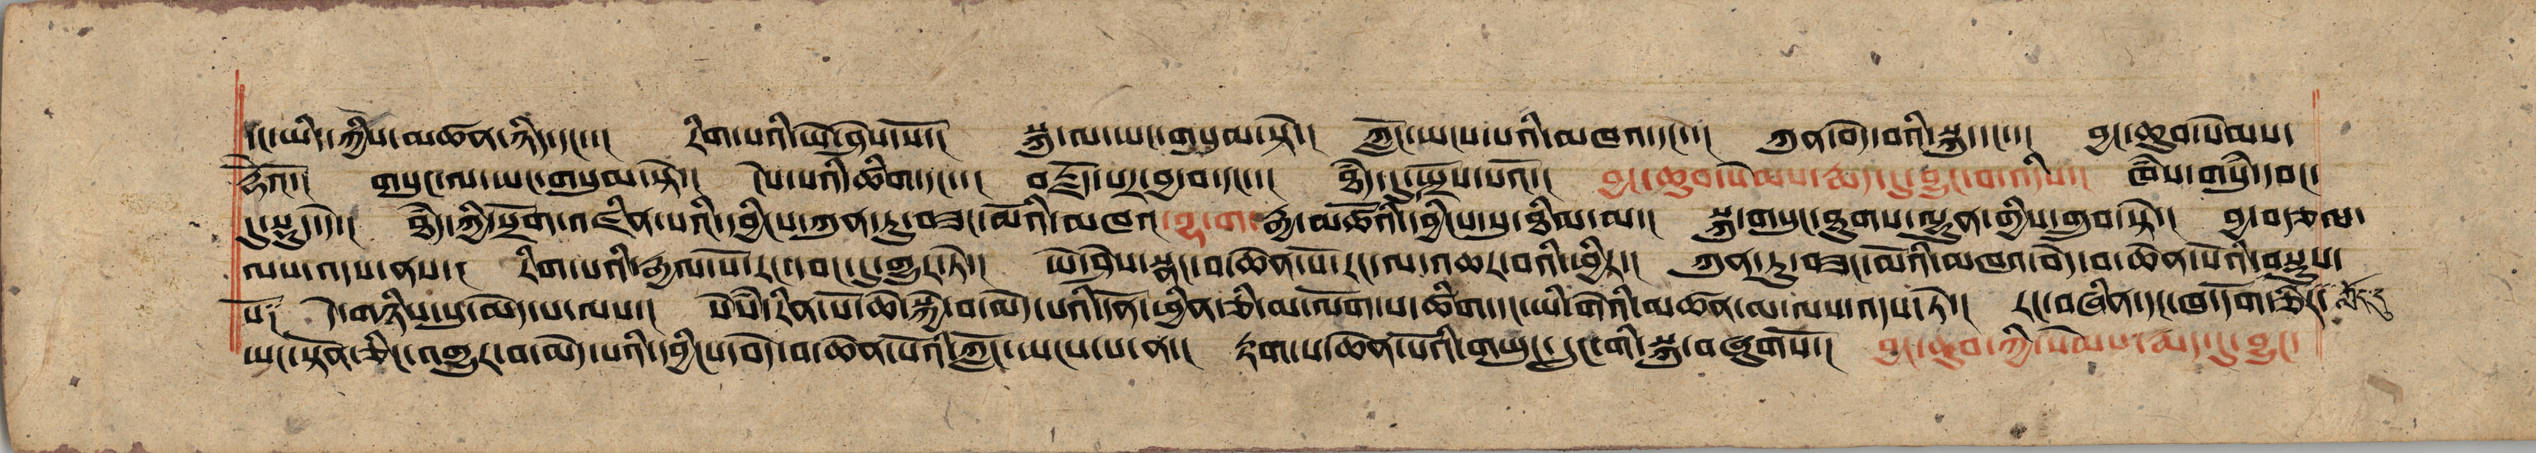དང་ཡིད་ཀྱིས་མཚན་ཉིད་དང་་། རིག་པའི་ཡེ་ཤེས་སོ་། སྐུ་ལ་ཡང་གསུམ་སྟེ་། ཀློང་ཡངས་པའི་མཁའ་དང་་། ཀུན་བདེ་བའི་སྐུ་དང་་། བྱང་ཆུབ་སེམས་
རྡའོ་། གསུང་ལ་ཡང་གསུམ་སྟེ་། ངེས་པའི་ཚིག་དང་་། བརྗོད་པར་བྱ་བ་དང་་། ཐཾད་དུ་སྤྲོས་པའོ་། བྱང་ཆུབ་སེམས་རྨད་དུ་བྱུང་བ་འདིས་། ཁཾས་གསུཾ་དབང་
དུ་སྡུད་དེ་། ཐཾད་ཀྱི་སྲོག་འཛིན་པའི་དབྱིངས་ཀུན་ཏུ་བཟང་མོའི་མཁའ་བྷ་ག་རྒྱ་མཚོའི་དབྱིངས་སུ་ཐིམ་ལ་། སྐུ་གསུང་ཐུགས་ལྷུན་གྱིས་གྲུབ་སྟེ་། བྱ་བརྩལ་
ལས་འདས་ནས་། རིག་པའི་རྒྱལ་པོ་རང་དབང་དུ་གྱུར་ཏེ་། ཡེ་ཤེས་སྣང་བ་ཆེན་པོ་རང་ལ་འཆར་བའི་ཕྱིར་། ཀུན་ཏུ་བཟང་མོའི་མཁའ་བདེ་བ་ཆེན་པོའི་བསྡུས་
སོ༑ དེ་གཉིས་སུ་མེད་པ་ལས་། སེཾས་རིན་པོ་ཆེ་སྐྱེ་བ་མེད་པའི་དོན་ཕྱིན་ཅི་མ་ལོག་པ་ཚིག་དང་ཡི་གེའི་མཚན་མ་ལས་འདས་ཏེ་། རང་བཞིན་དང་ཁ་དོག་ཅིར་ཀློང་དུ་
སྤང་སྟོན་ཅིང་འགྱུར་བ་མེད་པའི་དབྱིངས་བདེ་བ་ཆེན་པོའི་ཀློང་ཡངས་པ་ན་། རྟག་པ་ཆེན་པོའི་གཡུང་དྲུང་གི་སྐུ་བཞུགསོ་། བྱང་ཆུབ་ཀྱི་སེམས་རྨད་དུ་བྱུང་